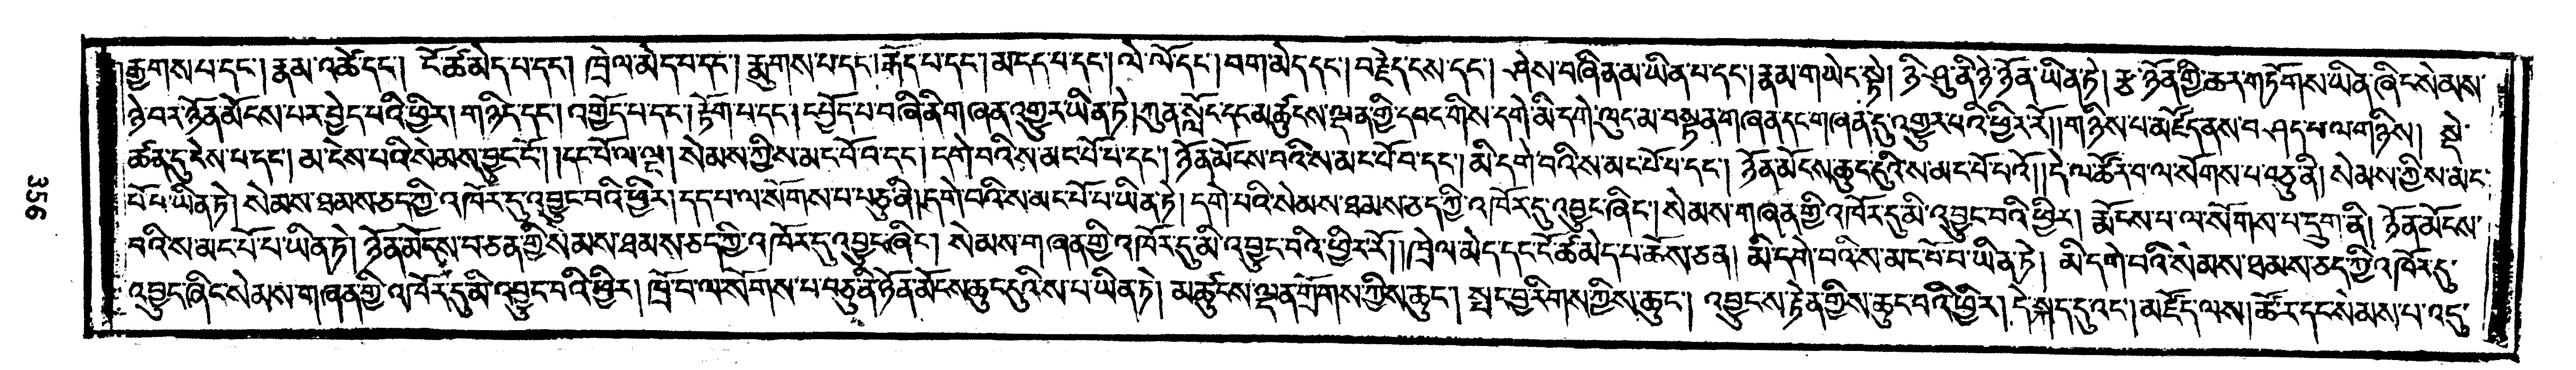རྒྱགས་པ་དང་། རྣམ་འཚོ་དང་། ངོ་ཚ་མེད་པ་དང་། ཁྲེལ་མེད་པ་དང་། རྨུགས་པ་དང་། རྒོད་པ་དང་། མ་དད་པ་དང་། ལེ་ལོ་དང་། བག་མེད་དང་། བརྗེད་ངས་དང་། ཤེས་བཞིན་མ་ཡིན་པ་དང་། རྣམ་གཡེང་སྟེ། ཉི་ཤུ་ནི་ཉེ་ཉོན་ཡིན་ཏེ། རྩ་ཉོན་གྱི་ཆར་གཏོགས་ཡིན་ཞིང་སེམས་
ཉེ་བར་ཉོན་མོངས་པར་བྱེད་པའི་ཕྱིར། གཉིད་དང་། འགྱེད་པ་དང་། རྟོག་པ་དང་། དཔྱོད་པ་བཞི་ནི་གཞན་འགྱུར་ཡིན་ཏེ། ཀུན་སློང་དང་མཚུངས་ལྡན་གྱི་དབང་གིས་དགེ་མི་དགེ་ལུང་མ་བསྟན་གཞན་དང་གཞན་དུ་འགྱུར་བའི་ཕྱིར་རོ། །གཉིས་པ་མཛོད་ནས་བཤད་པ་ལ་གཉིས། སྡེ་
ཚན་དུ་ངེས་པ་དང་། མ་ངེས་པའི་སེམས་བྱུང་ངོ། །དང་པོ་ལ་ལྔ། སེམས་ཀྱི་ས་མང་པོ་པ་དང་། དགེ་བའི་ས་མང་པོ་པ་དང་། ཉོན་མོངས་པའི་ས་མང་པོ་པ་དང་། མི་དགེ་བའི་ས་མང་པོ་པ་དང་། ཉོན་མོངས་ཆུང་ངུའི་ས་མང་པོ་པའོ། །དེ་ལ་ཚོར་བ་ལ་སོགས་པ་བཅུ་ནི། སེམས་ཀྱི་ས་མང་
པོ་པ་ཡིན་ཏེ། སེམས་ཐམས་ཅད་ཀྱི་འཁོར་དུ་འབྱུང་བའི་ཕྱིར། དད་པ་ལ་སོགས་པ་བཅུ་ནི། དགེ་བའི་ས་མང་པོ་པ་ཡིན་ཏེ། དགེ་བའི་སེམས་ཐམས་ཅད་ཀྱི་འཁོར་དུ་འབྱུང་ཞིང་། སེམས་གཞན་གྱི་འཁོར་དུ་མི་འབྱུང་བའི་ཕྱིར། རྨོངས་པ་ལ་སོགས་པ་དྲུག་ནི། ཉོན་མོངས་
པའི་ས་མང་པོ་པ་ཡིན་ཏེ། ཉོན་མོངས་པ་ཅན་གྱི་སེམས་ཐམས་ཅད་ཀྱི་འཁོར་དུ་འབྱུང་ཞིང་། སེམས་གཞན་གྱི་འཁོར་དུ་མི་འབྱུང་བའི་ཕྱིར་རོ། །ཁྲེལ་མེད་དང་ངོ་ཚ་མེད་པ་ཆོས་ཅན། མི་དགེ་བའི་ས་མང་པོ་པ་ཡིན་ཏེ། མི་དགེ་བའི་སེམས་ཐམས་ཅད་ཀྱི་འཁོར་དུ་
འབྱུང་ཞིང་སེམས་གཞན་གྱི་འཁོར་དུ་མི་འབྱུང་བའི་ཕྱིར། ཁྲོ་བ་ལ་སོགས་པ་བཅུ་ནི་ཉོན་མོངས་ཆུང་ངུའི་ས་པ་ཡིན་ཏེ། མཚུངས་ལྡན་གྲོགས་ཀྱི་ས་ཆུང་། སྤང་བྱ་རིགས་ཀྱི་ས་ཆུང་། འབྱུང་ས་རྟེན་གྱི་ས་ཆུང་བའི་ཕྱིར། དེ་སྐད་དུའང་། མཛོད་ལས། ཚོར་དང་སེམས་པ་འདུ་